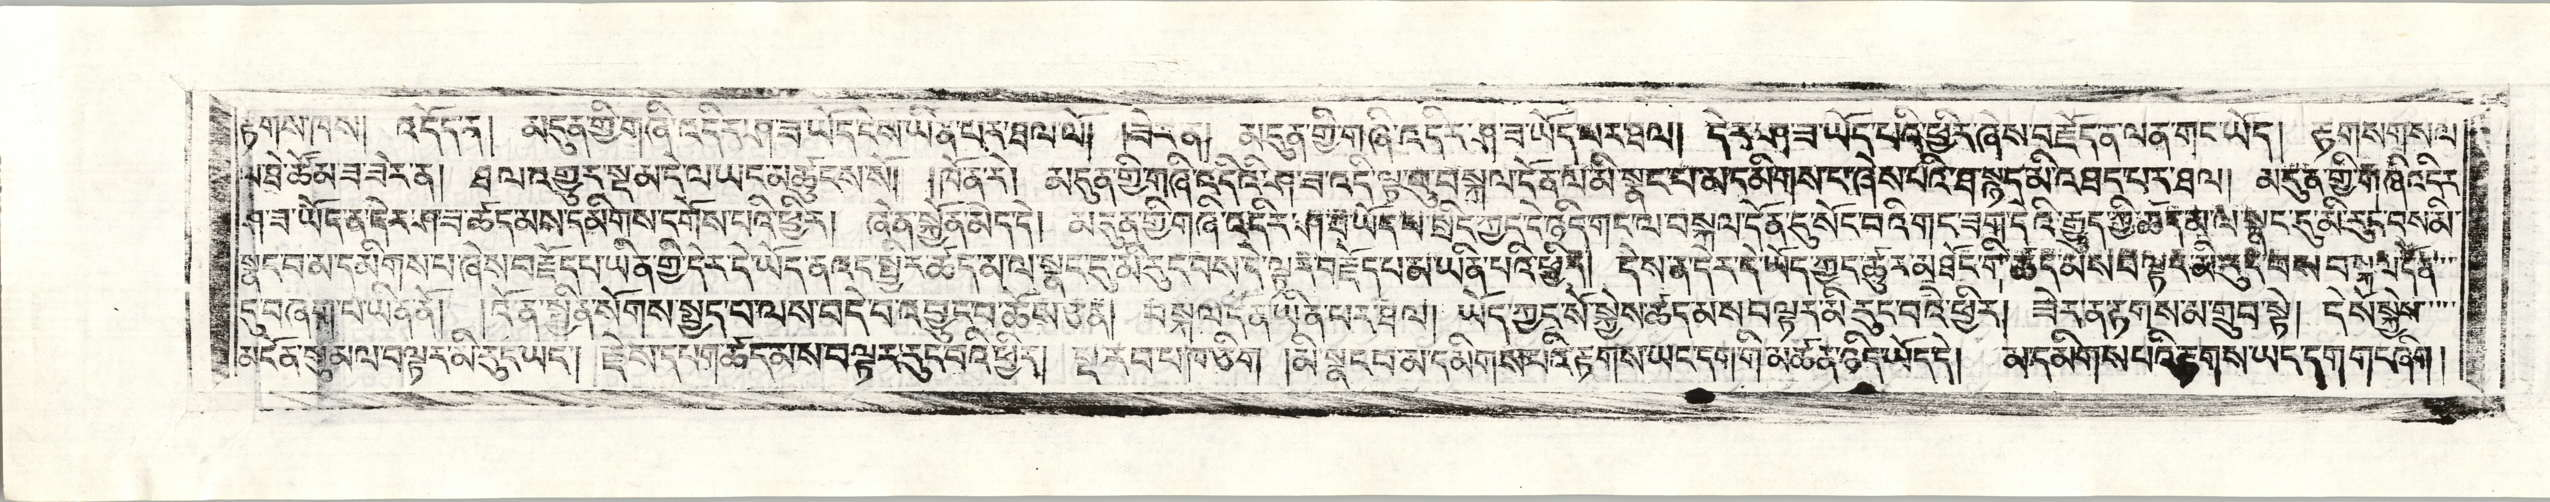རྟགས་ཁས། འདོད་ན། མདུན་གྱི་གཞི་འདིར་ཤ་ཟ་ཡོད་ངེས་ཡིན་པར་ཐལ་ལོ། །ཟེར་ན། མདུན་གྱི་གཞི་འདིར་ཤ་ཟ་ཡོད་པར་ཐལ། དེར་ཤ་ཟ་ཡོད་པའི་ཕྱིར་ཞེས་བརྗོད་ན་ལན་གང་ཡོད། རྟགས་གསལ་
ལ་ཐེ་ཚོམ་ཟ་ཟེར་ན། ཐལ་འགྱུར་སྔ་མ་དེ་ལ་ཡང་མཚུངས་སོ། ཁོ་ན་རེ། མདུན་གྱི་གཞི་འདིའི་ཤ་ཟ་འདི་ལྟ་བུ་བསྐལ་དོན་ལ་མི་སྣང་བ་མ་དམིགས་པ་ཞེས་པའི་ཐ་སྙད་མི་འཐད་པར་ཐལ། མདུན་གྱི་གཞི་འདིར་
ཤ་ཟ་ཡོད་ན་དེར་ཤ་ཟ་ཚད་མས་དམིགས་དགོས་པའི་ཕྱིར། ཞེ་ན་སྐྱོན་མེད་དེ། མདུན་གྱི་གཞི་འདིར་ཤ་ཟ་ཡོད་པ་སྲིད་ཀྱང་དེ་ཉིད་གང་ལ་བསྐལ་དོན་དུ་སོང་བའི་གང་ཟག་དེའི་རྒྱུད་ཀྱི་ཆད་མ་ལ་སྣང་དུ་མི་རུང་བས་མི་
སྣང་བ་མ་དམིགས་པ་ཞེས་བརྗོད་པ་ཡིན་གྱི་དེར་དེ་ཡོད་ནའང་སྤྱིར་ཚད་མ་ལ་སྣང་དུ་མི་རུང་བས་དེ་ལྟར་བརྗོད་པ་མ་ཡིན་པའི་ཕྱིར། དེས་ན་དེར་དེ་ཡོད་ཀྱང་ཚུར་མཐོང་གི་ཚད་མས་བལྟར་མི་རུང་བས་བསྐལ་དོན་
དུ་བཞག་པ་ཡིན་ནོ། །འོ་ན་སྦྱིན་སོགས་སྤྱད་པ་ལས་བདེ་བ་འབྱུང་བ་ཆོས་ཅན། བསྐལ་དོན་ཡིན་པར་ཐལ། ཡོད་ཀྱང་སོ་སྐྱེས་ཚད་མས་བལྟར་མི་རུང་བའི་ཕྱིར། ཟེར་ན་རྟགས་མ་གྲུབ་སྟེ། དེ་སོ་སྐྱེས་
མངོན་སུམ་ལ་བལྟར་མི་རུང་ཡང་། རྗེས་དཔག་ཚད་མས་བལྟར་རུང་བའི་ཕྱིར། སྔ་རབས་པ་ཁ་ཅིག །མི་སྣང་བ་མ་དམིགས་པའི་རྟགས་ཡང་དག་གི་མཚན་ཉིད་ཡོད་དེ། མ་དམིགས་པའི་རྟགས་ཡང་དག་གང་ཞིག །